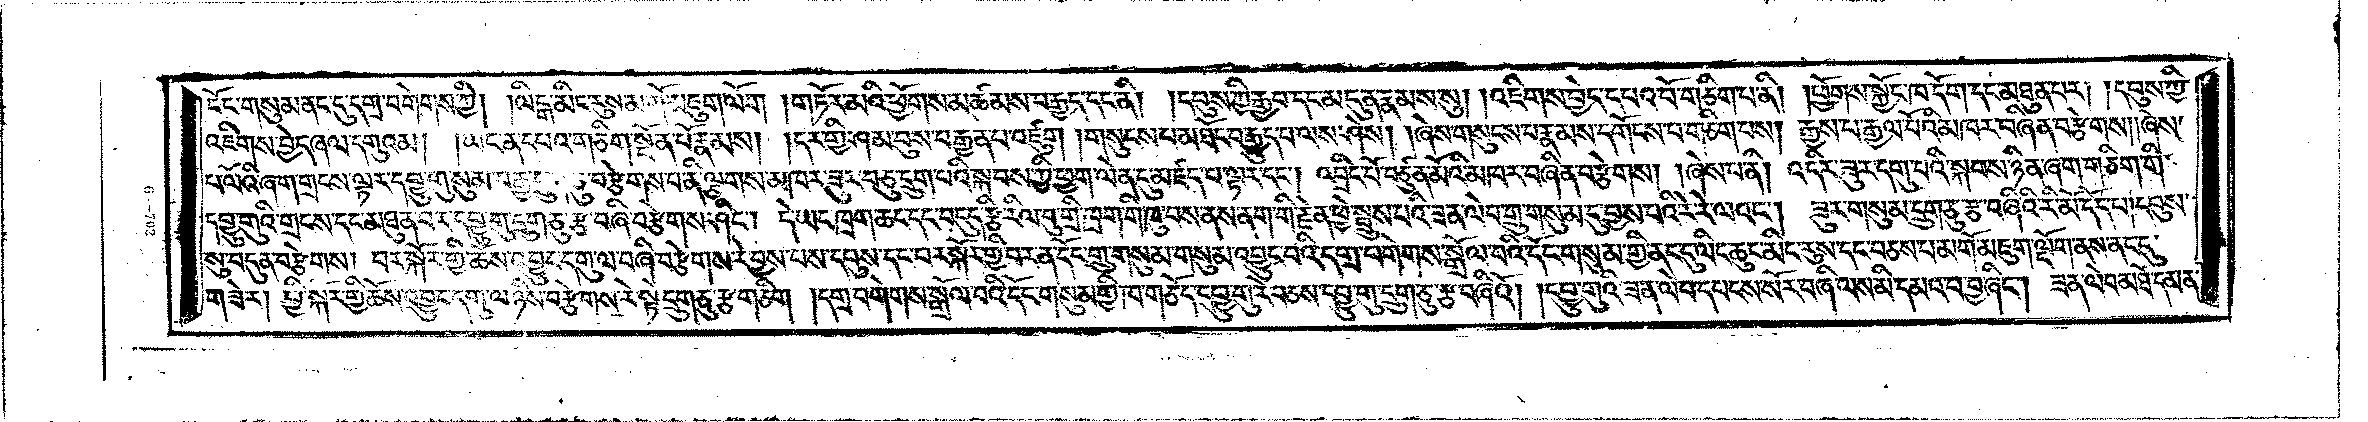དོང་གསུམ་ནང་དུ་དགྲ་བགེགས་ཀྱི། །ལིངྒ་མིང་རུས་མགོ་མཇུག་ལོག །གཏོར་མའི་ཕྱོགས་མཚམས་བརྒྱད་དང་ནི། །དབུས་ཀྱི་རྒྱབ་དང་མདུན་རྣམས་སུ། །འཇིགས་བྱེད་དཔའ་བོ་གཅིག་པ་ནི། །ཕྱོགས་སྐྱོང་ཁ་དོག་དང་མཐུན་པར། །དབུས་ཀྱི་
འཇིགས་བྱེད་ཞལ་དགུའམ། །ཡང་ན་དཔའ་གཅིག་སྔོན་པོ་རྣམས། །དར་གྱི་ཤམ་བུས་བརྒྱན་པ་འཛུག །གསུངས་པ་མཐོང་བརྒྱུད་པ་ལས་ཤེས། །ཞེས་གསུངས་པ་རྣམས་དགོངས་པ་གཅིག་པས། རྒྱས་པ་རྒྱལ་པོའི་མཁར་བཞིན་བརྩེགས། །ཞེས་
པ་ལོའི་ཞག་གྲངས་ལྟར་དབྱུ་གུ་གསུམ་བརྒྱ་དྲུག་ཅུ་བརྩེགས་པ་ནི་ལྕགས་མཁར་ཟུར་བཅུ་དྲུག་པའི་སྐབས་ཀྱི་ཕྱག་ལེན་དུ་མཛད་པ་ལྟར་དང་། འབྲིང་པོ་བཙུན་མོའི་མཁར་བཞིན་བརྩེགས། །ཞེས་པ་ནི། འདིར་ཟུར་དགུ་པའི་སྐབས་ཉིན་ཞག་གཅིག་གི་
དབྱུ་གུའི་གྲངས་དང་མཐུན་བར་དབྱུ་གུ་དྲུག་ཅུ་རྩ་བཞི་བརྩེགས་ཤིང་། དེ་ཡང་ཆང་དང་བདུད་རྩི་རིལ་བུ་གྲི་ཁྲག་གི་ཁུ་བས་ནས་ནག་གི་རྗེན་ཕྱེ་སྤྲུལ་པའི་ཟན་ལེབ་གྲུ་གསུམ་དུ་བྱས་པའི་རེ་རེ་ལའང་། ཟུར་གསུམ་དྲུག་ཅུ་རྩ་བཞིའི་རི་མོ་དོད་པ། དབུས་
སུ་བདུན་བརྩེགས། བར་སྐོར་གྱི་ཆོས་འབྱུང་དགུ་ལ་བཞི་བརྩེགས་རེ་བྱས་པས་དབུས་དང་བར་སྐོར་གྱི་བར་ན་དོང་གྲུ་གསུམ་གསུམ་འབྱུང་བའི་དགྲ་བགེགས་སྒྲོལ་བའི་དོང་གསུམ་གྱི་ནང་དུ་ལིང་ཆུང་མིང་རུས་དང་བཅས་པ་མགོ་མཇུག་ལྡོག་ནས་ནང་དུ་
གཟེར། ཕྱི་སྐོར་གྱི་ཆོས་འབྱུང་དགུ་ལ་ཉིས་བརྩེགས་རེ་སྟེ་དྲུག་ཅུ་རྩ་གཅིག། དགྲ་བགེགས་སྒྲོལ་བའི་དོང་གསུམ་གྱི་ཁ་གཅོད་དབྱུ་གུ་རེ་བཅས་དབྱུ་གུ་དྲུག་ཅུ་རྩ་བཞིའོ། །དབྱུ་གུའི་ཟན་ལེབ་དཔངས་སོར་བཞི་ལས་མི་དམའ་བ་བྱ་ཞིང་། ཟན་ལེབ་མཐོ་དམན་